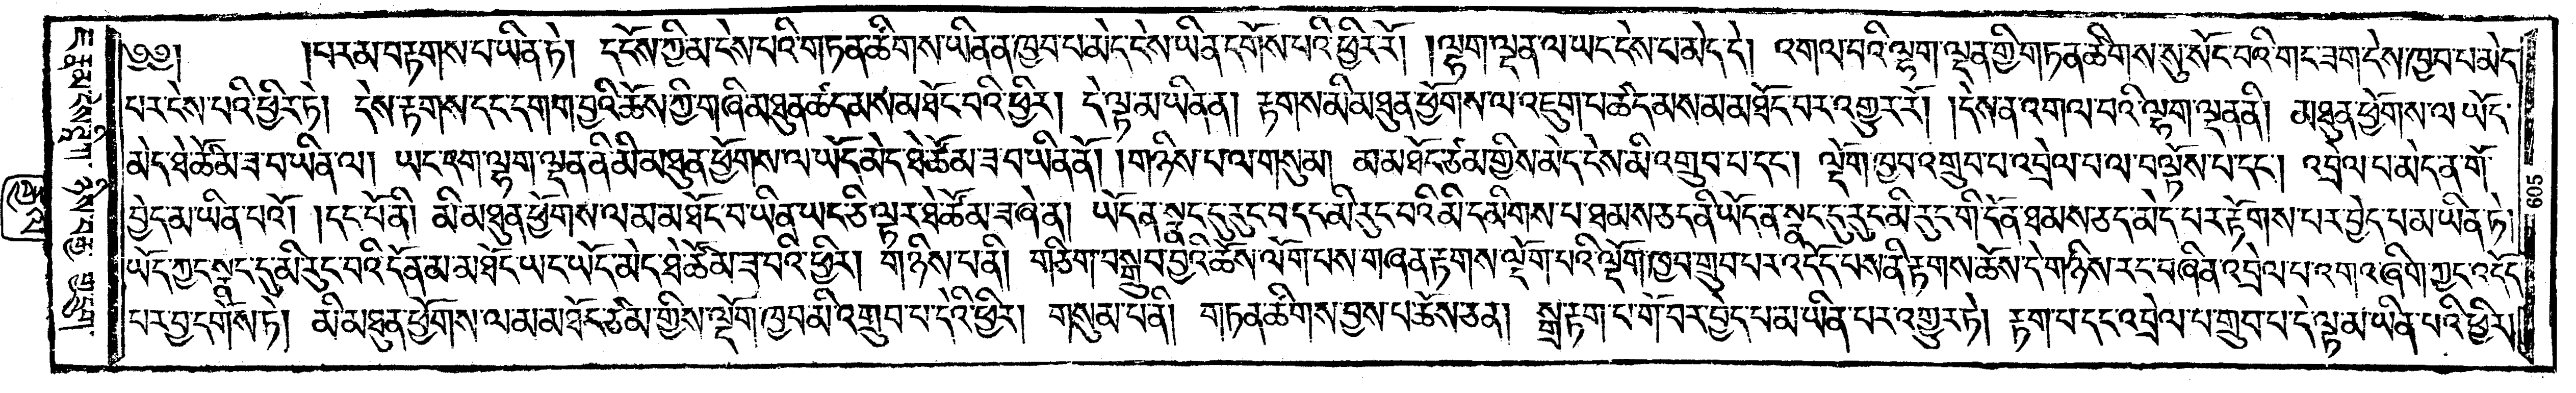༄༅། །པར་མ་བརྟགས་པ་ཡིན་ཏེ། དངོས་ཀྱི་མ་ངེས་པའི་གཏན་ཚིགས་ཡིན་ན་ཁྱབ་པ་མེད་ངེས་ཡིན་དགོས་པའི་ཕྱིར་རོ། །ལྷག་ལྡན་ལ་ཡང་ངེས་པ་མེད་དེ། འགལ་བའི་ལྷག་ལྡན་གྱི་གཏན་ཚིགས་སུ་སོང་བའི་གང་ཟག་དེས་ཁྱབ་པ་མེད་
པར་ངེས་པའི་ཕྱིར་ཏེ། དེས་རྟགས་དང་དགག་བྱའི་ཆོས་ཀྱི་གཞི་མཐུན་ཚད་མས་མཐོང་བའི་ཕྱིར། དེ་ལྟ་མ་ཡིན་ན། རྟགས་མི་མཐུན་ཕྱོགས་ལ་འཇུག་པ་ཚད་མས་མ་མཐོང་བར་འགྱུར་རོ། །དེས་ན་འགལ་བའི་ལྷག་ལྡན་ནི། མཐུན་ཕྱོགས་ལ་ཡོད་
མེད་ཐེ་ཚོམ་ཟ་བ་ཡིན་ལ། ཡང་དག་ལྷག་ལྡན་ནི་མི་མཐུན་ཕྱོགས་ལ་ཡོད་མེད་ཐེ་ཚོམ་ཟ་བ་ཡིན་ནོ། །གཉིས་པ་ལ་གསུམ། མ་མཐོང་ཙམ་གྱིས་མེད་ངེས་མི་འགྲུབ་པ་དང་། ལྡོག་ཁྱབ་འགྲུབ་པ་འབྲེལ་པ་ལ་བལྟོས་པ་དང་། འབྲེལ་པ་མེད་ན་གོ་
བྱེད་མ་ཡིན་པའོ། །དང་པོ་ནི། མི་མཐུན་ཕྱོགས་ལ་མ་མཐོང་བ་ཡིན་ཡང་ཅི་ལྟར་ཐེ་ཚོམ་ཟ་ཞེ་ན། ཡོད་ན་སྣང་དུ་རུང་བ་དང་མི་རུང་བའི་མི་དམིགས་པ་ཐམས་ཅད་ནི་ཡོད་ན་སྣང་དུ་རུང་མི་རུང་གི་དོན་ཐམས་ཅད་མེད་པར་རྟོགས་པར་བྱེད་པ་མ་ཡིན་ཏེ།
ཡོད་ཀྱང་སྣང་དུ་མི་རུང་བའི་དོན་མ་མཐོང་ཡང་ཡོད་མེད་ཐེ་ཚོམ་ཟ་བའི་ཕྱིར། གཉིས་པ་ནི། གཅིག་བསྒྲུབ་བྱའི་ཆོས་ལོག་པས་གཞན་རྟགས་ལྡོག་པའི་ལྡོག་ཁྱབ་གྲུབ་པར་འདོད་པས་ནི་རྟགས་ཆོས་དེ་གཉིས་རང་བཞིན་འབྲེལ་པ་འགའ་ཞིག་ཀྱང་འདོད་
པར་བྱ་དགོས་ཏེ། མི་མཐུན་ཕྱོགས་ལ་མ་མཐོང་ཙམ་གྱིས་ལྡོག་ཁྱབ་མི་འགྲུབ་པ་དེའི་ཕྱིར། གསུམ་པ་ནི། གཏན་ཚིགས་བྱས་པ་ཆོས་ཅན། སྒྲ་རྟག་པ་གོ་བར་བྱེད་པ་མ་ཡིན་པར་འགྱུར་ཏེ། རྟག་པ་དང་འབྲེལ་པ་གྲུབ་པ་དེ་ལྟ་མ་ཡིན་པའི་ཕྱིར།